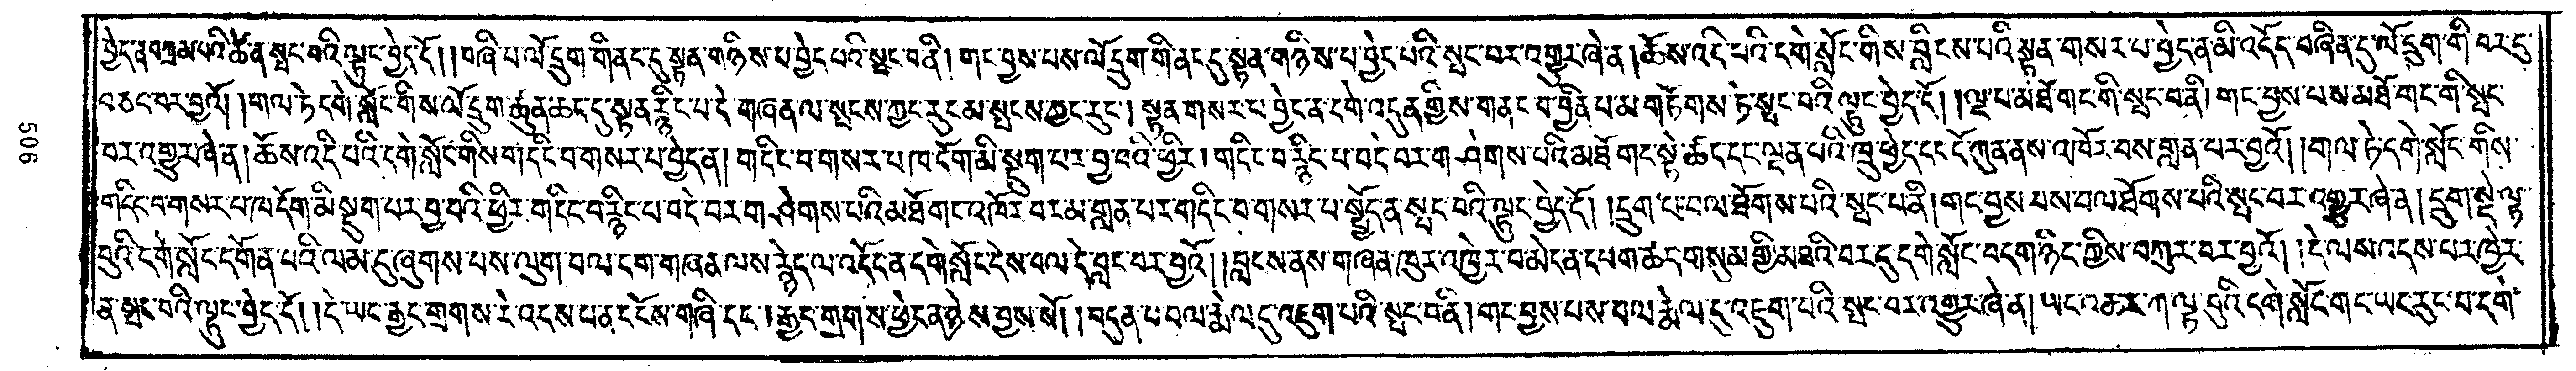བྱེད་ན་བཀྲམ་པའི་ཚེ་ན་སྤང་བའི་ལྟུང་བྱེད་དོ། །བཞི་པ་ལོ་དྲུག་གི་ནང་དུ་སྟན་གཉིས་པ་བྱེད་པའི་སྤང་བ་ནི། གང་བྱས་པས་ལོ་དྲུག་གི་ནང་དུ་སྟན་གཉིས་པ་བྱེད་པའི་སྤང་བར་འགྱུར་ཞེ་ན། ཆོས་འདི་པའི་དགེ་སློང་གིས་བླིངས་པའི་སྟན་གསར་པ་བྱེད་ན་མི་འདོད་བཞིན་དུ་ལོ་དྲུག་གི་བར་དུ་
བཅང་བར་བྱའོ། །གལ་ཏེ་དགེ་སློང་གིས་ལོ་དྲུག་ཚུན་ཆད་དུ་སྟན་རྙིང་པ་དེ་གཞན་ལ་སྤངས་ཀྱང་རུང་མ་སྤངས་ཀྱང་རུང་། སྟན་གསར་པ་བྱེད་ན་དགེ་འདུན་གྱིས་གནང་བ་བྱིན་པ་མ་གཏོགས་ཏེ་སྤང་བའི་ལྟུང་བྱེད་དོ། །ལྔ་པ་མཐོ་གང་གི་སྤང་བ་ནི། གང་བྱས་པས་མཐོ་གང་གི་སྤང་
བར་འགྱུར་ཞེ་ན། ཆོས་འདི་པའི་དགེ་སློང་གིས་གདིང་བ་གསར་པ་བྱེད་ན། གདིང་བ་གསར་པ་ཁ་དོག་མི་སྡུག་པར་བྱ་བའི་ཕྱིར། གདིང་བ་རྙིང་པ་བདེ་བར་གཤེགས་པའི་མཐོ་གང་སྟེ་ཚད་དང་ལྡན་པའི་ཁྲུ་ཕྱེད་དང་ངོ་ཀུན་ནས་འཁོར་བས་གླན་པར་བྱའོ། །གལ་ཏེ་དགེ་སློང་གིས་
གདིང་བ་གསར་པ་ཁ་དོག་མི་སྡུག་པར་བྱ་བའི་ཕྱིར་གདིང་བ་རྙིང་པ་བདེ་བར་གཤེགས་པའི་མཐོ་གང་འཁོར་བར་མ་གླན་པར་གདིང་བ་གསར་པ་སྤྱོད་ན་སྤང་བའི་ལྟུང་བྱེད་དོ། །དྲུག་པ་བལ་ཐོགས་པའི་སྤང་པ་ནི། གང་བྱས་པས་བལ་ཐོགས་པའི་སྤང་བར་འགྱུར་ཞེ་ན། དྲུག་སྡེ་ལྟ་
བུའི་དགེ་སློང་དགོན་པའི་ལམ་དུ་ཞུགས་པས་ལུག་བལ་དག་གཞན་ལས་རྙེད་ལ་འདོད་ན་དགེ་སློང་དེས་བལ་དེ་བླང་བར་བྱའོ། །བླངས་ནས་གཞན་ཁུར་འཁྱེར་བ་མེད་ན་དཔག་ཚད་གསུམ་གྱི་མཐའི་བར་དུ་དགེ་སློང་བདག་ཉིད་ཀྱིས་བཀུར་བར་བྱའོ། །དེ་ལས་འདས་པར་ཁྱེར་
ན་སྤང་བའི་ལྟུང་བྱེད་དོ། །དེ་ཡང་རྒྱང་གྲགས་རེ་འདས་པ་ན་དངོས་གཞི་དང་། རྒྱང་གྲགས་ཕྱེད་ན་ཉེས་བྱས་སོ། །བདུན་པ་བལ་རྨེལ་དུ་འཇུག་པའི་སྤང་བ་ནི། གང་བྱས་པས་བལ་རྨེལ་དུ་འཇུག་པའི་སྤང་བར་འགྱུར་ཞེ་ན། ཡང་འཆར་ཀ་ལྟ་བུའི་དགེ་སློང་གང་ཡང་རུང་བ་དགེ་